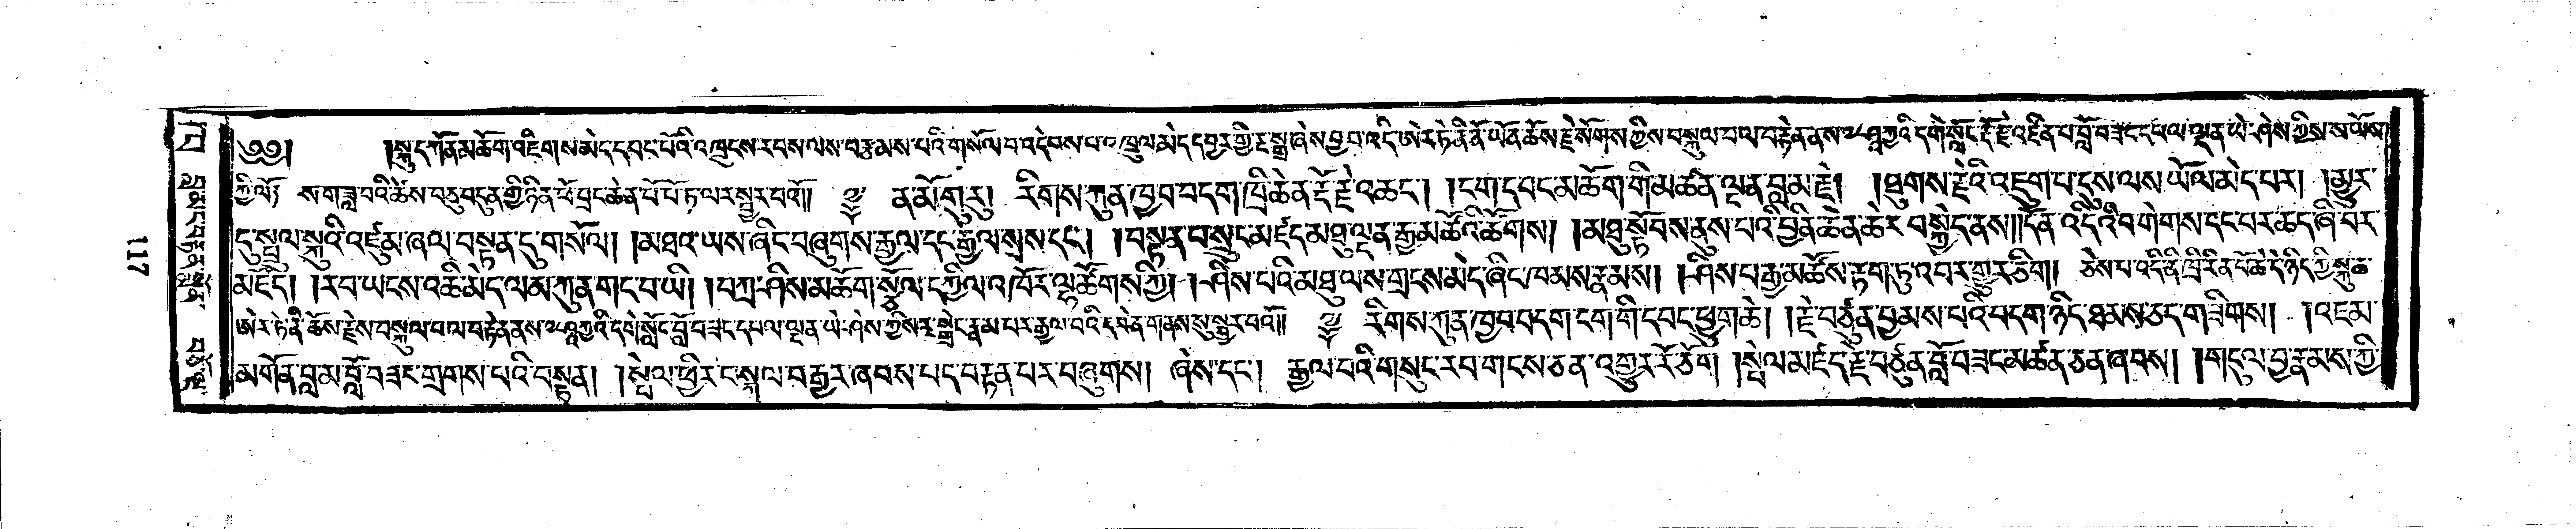༄༅། །སྐུ་དཀོན་མཆོག་འཇིགས་མེད་དབང་པོའི་འཁྲུངས་རབས་ལས་བརྩམས་པའི་གསོལ་བ་འདེབས་པ་འཁྲུལ་མེད་དབྱར་གྱི་རྔ་སྒྲ་ཞེས་བྱ་བ་འདི་ཨེར་ཏེ་ནི་ནོ་ཡོན་ཆོས་རྗེ་སོགས་ཀྱིས་བསྐུལ་བ་ལ་བརྟེན་ནས་༧་ཤཱཀྱའི་དགེ་སློང་རྡོ་རྗེ་འཛིན་པ་བློ་བཟང་དཔལ་ལྡན་ཡེ་ཤེས་ཀྱིས་ས་ཡོས་
ཀྱི་ལོ༑ ས་ག་ཟླ་བའི་ཚེས་བཅུ་བདུན་གྱི་ཉིན་ཕོ་བྲང་ཆེན་པོ་པོ་ཏ་ལར་སྦྱར་བའོ།། ༈ ན་མོ་གུ་རུ། རིགས་ཀུན་ཁྱབ་བདག་ཁྲི་ཆེན་རྡོ་རྗེ་འཆང་། །ངག་དབང་མཆོག་གི་མཚན་ལྔན་བླ་མ་རྗེ། །ཐུགས་རྗེའི་འཇུག་པ་དུས་ལས་ཡོལ་མེད་པར། །མྱུར་
དུ་སྤྲུལ་སྐུའི་འཛུམ་ཞལ་བསྟན་དུ་གསོལ། །མཐའ་ཡས་ཞིང་བཞུགས་རྒྱལ་དང་རྒྱལ་སྲས་དང་། །བསྟན་བ་སྲུང་མཛད་མཐུ་ལྡན་རྒྱ་མཚོའི་ཚོགས། །མཐུ་སྟོབས་ནུས་པའི་བྱིན་ཆེན་ཆེར་བསྐྱེད་ནས། །དོན་འདིའི་བ་གེགས་དང་བར་ཆད་ཞི་བར་
མཛོད། །རབ་ཡངས་འཆི་མེད་ལམ་ཀུན་གང་བ་ཡི། །བཀྲ་ཤིས་མཆོག་སྩོལ་དཀྱིལ་འཁོར་ལྷ་ཚོགས་ཀྱི། །ཤིས་པའི་མཐུ་ལས་གྲངས་མེད་ཞིང་ཁམས་རྣམས། །ཤིས་པ་རྒྱ་མཚོས་རྟག་ཏུ་འབར་གྱུར་ཅིག། ཅེས་པ་འདི་ནི་ཁྲི་རིན་པོ་ཆེ་དེ་ཉིད་ཀྱི་སྐུ་ཆ་
ཨེར་ཏེ་ནི་ཆོས་རྗེས་བསྐུལ་བ་ལ་བརྟེན་ནས་༧་ཤཱཀྱའི་དགེ་སློང་བློ་བཟང་དཔལ་ལྡན་ཡེ་ཤེས་ཀྱིས་རྔ་སྒྲེང་རྣམ་པར་རྒྱལ་བའི་དབེན་གནས་སུ་སྦྱར་བའོ།། ༈ རིགས་ཀུན་ཁྱབ་བདག་ངག་གི་དབང་ཕྱུག་ཆེ། །རྗེ་བཙུན་བྱམས་པའི་བདག་ཉིད་ཐམས་ཅད་གཟིགས། །འཇམ་
མགོན་བླ་མ་བློ་བཟང་གྲགས་པའི་བསྟན། །སྤེལ་ཕྱིར་བསྐལ་བརྒྱར་ཞབས་པད་བརྟན་པར་བཞུགས། ཞེས་དང་། རྒྱལ་བའི་གསུང་རབ་གངས་ཅན་འགྱུར་རོ་ཅོག །སྤེལ་མཛད་རྗེ་བཙུན་བློ་བཟང་མཚན་ཅན་ཞབས། །གདུལ་བྱ་རྣམས་ཀྱི་